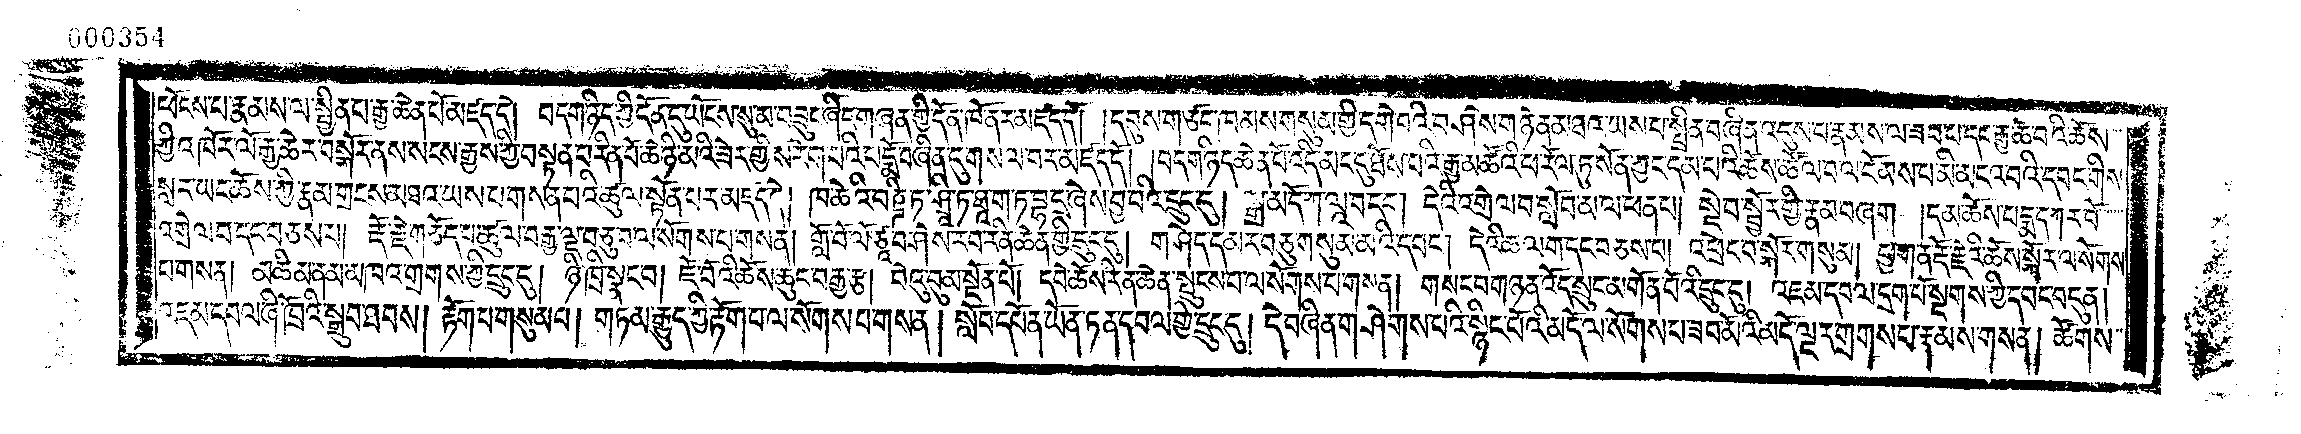ཕོངས་པ་རྣམས་ལ་སྦྱིན་པ་རྒྱ་ཆེན་པོ་མཛད་དེ། བདག་ཉིད་ཀྱི་དོན་དུ་ཡོངས་སུ་མ་བཟུང་ཞིང་གཞན་གྱི་དོན་ཁོ་ནར་མཛད་དོ། །དབུས་གཙང་ཁམས་གསུམ་གྱི་དགེ་བའི་བཤེས་གཉེན་མཐའ་ཡས་པ་སྦྲིན་བཞིན་འདུས་པ་རྣམས་ལ་ཟབ་པ་དང་རྒྱ་ཆེ་བའི་ཆོས་
ཀྱི་འཁོར་ལོ་རྒྱ་ཆེར་བསྐོར་ནས་སངས་རྒྱས་ཀྱི་བསྟན་པ་རིན་པོ་ཆེ་ཉི་མའི་ཟེར་གྱིས་རེག་པའི་པདམོ་བཞིན་དུ་གསལ་བར་མཛད་དོ། །བདག་ཉིད་ཆེན་པོ་འདི་མང་དུ་ཐོས་པའི་རྒྱ་མཚོའི་ཕ་རོལ་ཏུ་སོན་ཀྱང་དམ་པའི་ཆོས་ཆོལ་བ་ལ་ངོམས་པ་མི་མངའ་བའི་དབང་གིས་
སླར་ཡང་ཆོས་ཀྱི་རྣམ་གྲངས་མཐའ་ཡས་པ་གསན་པའི་ཚུལ་སྟོན་པར་མཛད་དེ། ཁ་ཆེའི་པཎྜི་ཏ་ཤྲཱི་ཏ་ཐཱ་ག་ཏ་བྷ་དྲ་ཞེས་བྱ་བའི་དྲུང་དུ། སྒྲ་མདོ་ཀ་ལཱ་པ་དང་། དེའི་འགྲེལ་བ་སློབ་མ་ལ་ཕན་པ། སྡེབ་སྦྱོར་གྱི་རྣམ་བཞག །དམ་ཆོས་པདམ་དཀར་པོ་
འགྲེལ་བ་དང་བཅས་པ། རྡོ་རྗེ་གཅོད་པ་ཚུལ་བརྒྱ་ལྔ་བཅུ་པ་ལ་སོགས་པ་གསན། གློ་བོ་ལོ་ཙཱ་བ་ཤེས་རབ་རིན་ཆེན་གྱི་དྲུང་དུ། གཤེད་དམར་བཅུ་གསུམ་མའི་དབང་། དེའི་ཆ་ལག་དང་བཅས་པ། འཕྲེང་བ་བསྐོར་གསུམ། ཕྱག་ན་རྡོ་རྗེའི་ཆོས་སྐོར་ལ་སོགས་
པ་གསན། མཆིམ་ནམ་མཁའ་གྲགས་ཀྱི་དྲུང་དུ། ཉི་ཁྲི་སྣང་བ། ཇོ་བོའི་ཆོས་ཆུང་བརྒྱ་རྩ། བེའུ་བུམ་སྔོན་པོ། དཔེ་ཆོས་རིན་ཆེན་སྤུངས་པ་ལ་སོགས་པ་གསན། གསང་བ་གཉན་འདོད་སྲུང་མགོན་པོའི་དྲུང་དུ། འཇམ་དཔལ་དྲག་པ་སྔགས་ཀྱི་དབང་བདུན།
འཇམ་དཔལ་ཞི་ཁྲོའི་སྒྲུབ་ཐབས། རྟོག་པ་གསུམ་པ། གཏམ་རྒྱུད་ཀྱི་རྟོག་པ་ལ་སོགས་པ་གསན། སློབ་དཔོན་ཡོན་ཏན་དཔལ་གྱི་དྲུང་དུ། དེ་བཞིན་གཤེགས་པའི་སྙིང་པོའི་མདོ་ལ་སོགས་པ་ཟབ་མོའི་མདོ་ལྔར་གྲགས་པ་རྣམས་གསན། ཚོགས་